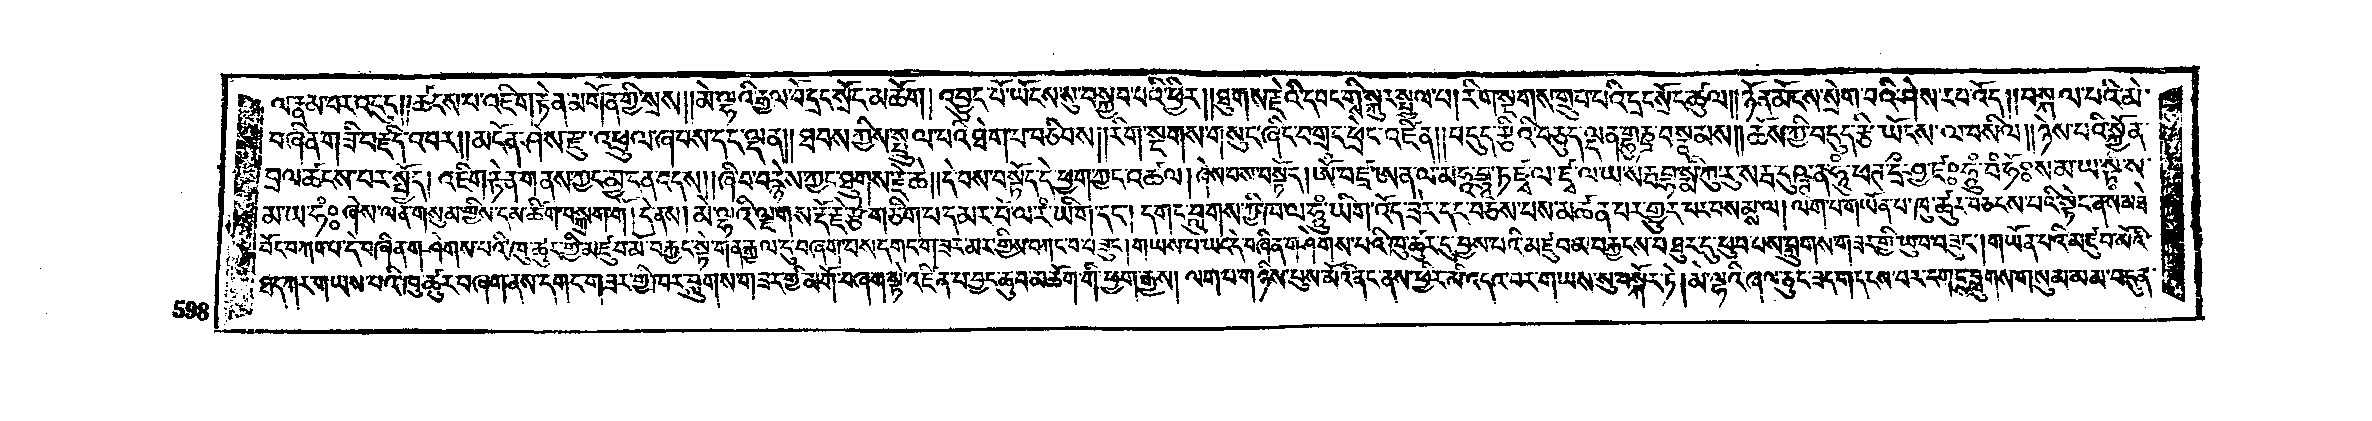ལ་རྣམ་བར་འདུད། ཚངས་པ་འཇིག་རྟེན་མགོན་གྱི་སྲས་མེ་ལྷའི་རྒྱལ་བོ་དྲང་སྲོང་མཆོག། འབྱུང་པོ་ཡོངས་སུ་བསྐྱབ་པའི་ཕྱིར། ཐུགས་རྗེའི་དབང་གི་སྐུར་སྤྲུལ་པའི། རིག་སྔགས་གྲུབ་པའི་དྲང་སྲོང་ཚུལ། ཉོན་མོངས་སྲེག་པའི་ཤེས་རབ་འོད། བསྐལ་པའི་མེ་
བཞིན་གཟི་བརྗིད་འབར། མངོན་ཤེས་རྫུ་འཕྲུལ་ཞབས་དང་ལྡན། ཐབས་ཀྱིས་སྤྲུལ་པའི་ཐེག་བཅིབས། རིག་སྔགས་གསུང་ཞིང་བགྲང་ཕྲེང་འཛིན། བདུད་རྩིའི་བཅུད་ལྡན་གྷུཎྜ་བསྣམས། ཆོས་ཀྱི་བདུད་རྩི་ཡོངས་ལ་བསིལ། ཉེས་པའི་སྐྱོན་
བྲལ་ཚངས་པར་སྤྱོད། འཇིག་རྟེན་གནས་མྱ་ངན་འདས་ཞིབ་བརྙེས་ཀྱང་ཐུགས་རྗེ་ཆེ། དེ་བས་བསྟོད་དེ་ཕྱག་ཀྱང་འཚལ། ཞེས་བས་བསྟོད། ཨོཾ་བྫྲ་ཨ་ན་ལ་མྷཱ་བྷཱ་ཏ་ཛྭ་ལ་ཛྭ་ལ་ཡ་སྲྦ་བྷ་སྨི་ཀུ་རུ་སྲྦ་དུ་ཥྚ་ན་ཧཱུཾ་ཕཌ་དྲྀ་ཤྱ་ཛཿ ཧཱུཾ་བཾ་ཧོཿ ས་མ་ཡ་སྟཾ་ས་
མ་ཡ་ཧཾཿ ཞེས་ལན་གསུམ་དམ་ཚིག་བསྒྲགས་གོ །དེ་ནས། མེ་ལྷའི་ལྗགས་རྡོ་རྗེ་རྩི་གཅིག་པ་དམར་པོ་ལ་རཾ་ཡིག་དང་། དགང་བླུགས་ཀྱི་ཁ་ལ་ཧཱུཾ་ཡིག་འོད་ཟེར་དང་བཅས་པས་མཚན་པར་གྱུར་པར་བསམས་ལ། ལག་པ་གཡོན་པ་ཁུ་ཚུར་བཅངས་པའི་སྟེང་ནས་མཐེ་
བོད་བཀས་པ་དེ་བཞིན་གཤེགས་པའི་ཁུ་ཚུལ་གྱི་མཛུབ་མོ་བརྐྱང་སྟེ་གན་རྒྱལ་དུ་བཞགས་པས་དགང་གཟེར་མར་གྱིས་བཀང་བ་བཟུང་། གཡས་པ་ཡང་དེ་བཞིན་གཤེགས་པའི་ཁུ་ཚུར་དུ་བྱས་པའིཨུ་མཛུབ་མ་བྠུར་དུ་ཕུར་པས་བླུགས་གཟེར་གྱི་ཡུབ་བཟུང་། གཡོན་པའི་མཛུབ་མོའི་
ཐད་ཀར་གཡས་པའི་ཁུ་ཚུར་བཞག་དགང་གཟར་གྱི་ཁར་བླུགས་གཟར་གྱི་མགོ་བཞག་སྟེ་འཛིན་པ་བྱང་ཆུབ་མཆོག་གི་ཕྱག་རྒྱས། ལག་པ་གཉིས་ནང་ནས་ཕྱིར་མི་འདའ་བར་གཡས་སུ་བསྐོར་ཏེ། མེ་ལྷའི་ཞལ་ཅུང་ཟད་གདངས་བར་དགངས་བླུགས་གསུམ་མ་མ་བདུན་